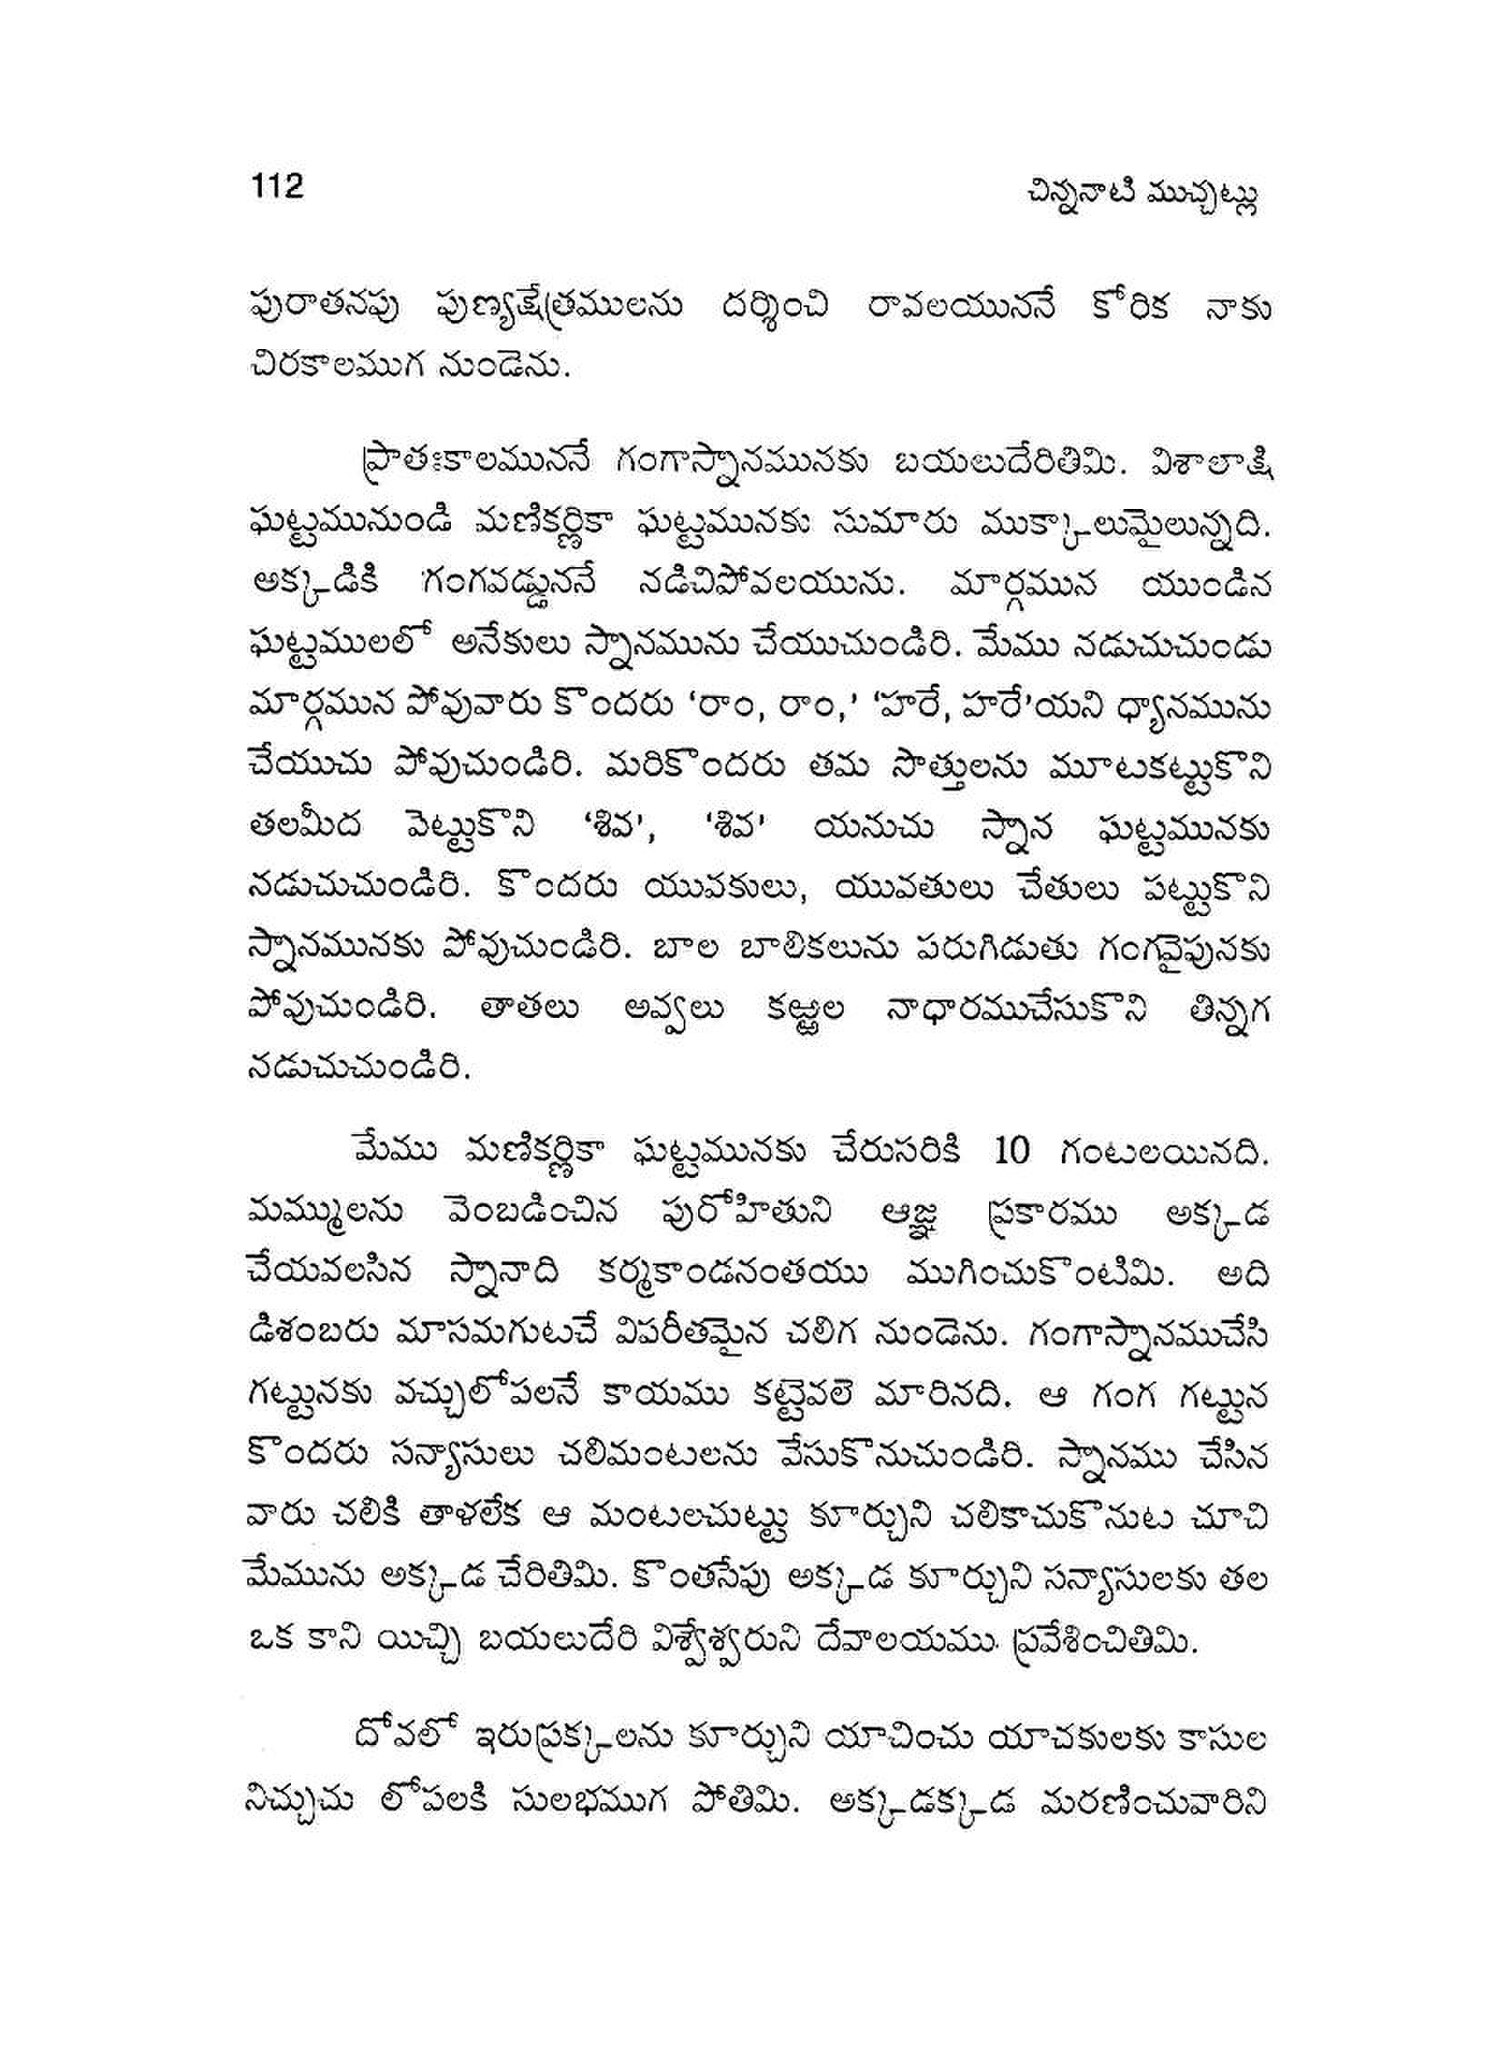పురాతనపు పుణ్యక్షేత్రములను దర్శించి రావలయుననే కోరిక నాకు చిరకాలముగ నుండెను.

ప్రాతఃకాలముననే గంగాస్నానమునకు బయలుదేరితిమి. విశాలాక్షి ఘట్టమునుండి మణికర్ణికా ఘట్టమునకు సుమారు ముక్కాలుమైలున్నది. అక్కడికి గంగవడ్డుననే నడిచిపోవలయును. మార్గమున యుండిన ఘట్టములలో అనేకులు స్నానమును చేయుచుండిరి. మేము నడుచుచుండు మార్గమున పోవువారు కొందరు 'రాం, రాం,' 'హరే, హరే'యని ధ్యానమును చేయుచు పోవుచుండిరి. మరికొందరు తమ సొత్తులను మూటకట్టుకొని తలమీద పెట్టుకొని 'శివ', 'శివ' యనుచు స్నాన ఘట్టమునకు నడుచుచుండిరి. కొందరు యువకులు, యువతులు చేతులు పట్టుకొని స్నానమునకు పోవుచుండిరి. బాల బాలికలును పరుగిడుతు గంగవైపునకు పోవుచుండిరి. తాతలు అవ్వలు కఱ్ఱల నాధారముచేసుకొని తిన్నగ నడుచుచుండిరి.

మేము మణికర్ణికా ఘట్టమునకు చేరుసరికి 10 గంటలయినది. మమ్ములను వెంబడించిన పురోహితుని ఆజ్ఞ ప్రకారము అక్కడ చేయవలసిన స్నానాది కర్మకాండనంతయు ముగించుకొంటిమి. అది డిశంబరు మాసమగుటచే విపరీతమైన చలిగ నుండెను. గంగాస్నానముచేసి గట్టునకు వచ్చులోపలనే కాయము కట్టెవలె మారినది. ఆ గంగ గట్టున కొందరు సన్యాసులు చలిమంటలను వేసుకొనుచుండిరి. స్నానము చేసిన వారు చలికి తాళలేక ఆ మంటలచుట్టు కూర్చుని చలికాచుకొనుట చూచి మేమును అక్కడ చేరితిమి. కొంతసేపు అక్కడ కూర్చుని సన్యాసులకు తల ఒక కాని యిచ్చి బయలుదేరి విశ్వేశ్వరుని దేవాలయము ప్రవేశించితిమి.

దోవలో ఇరుప్రక్కలను కూర్చుని యాచించు యాచకులకు కాసుల నిచ్చుచు లోపలకి సులభముగ పోతిమి. అక్కడక్కడ మరణించువారిని